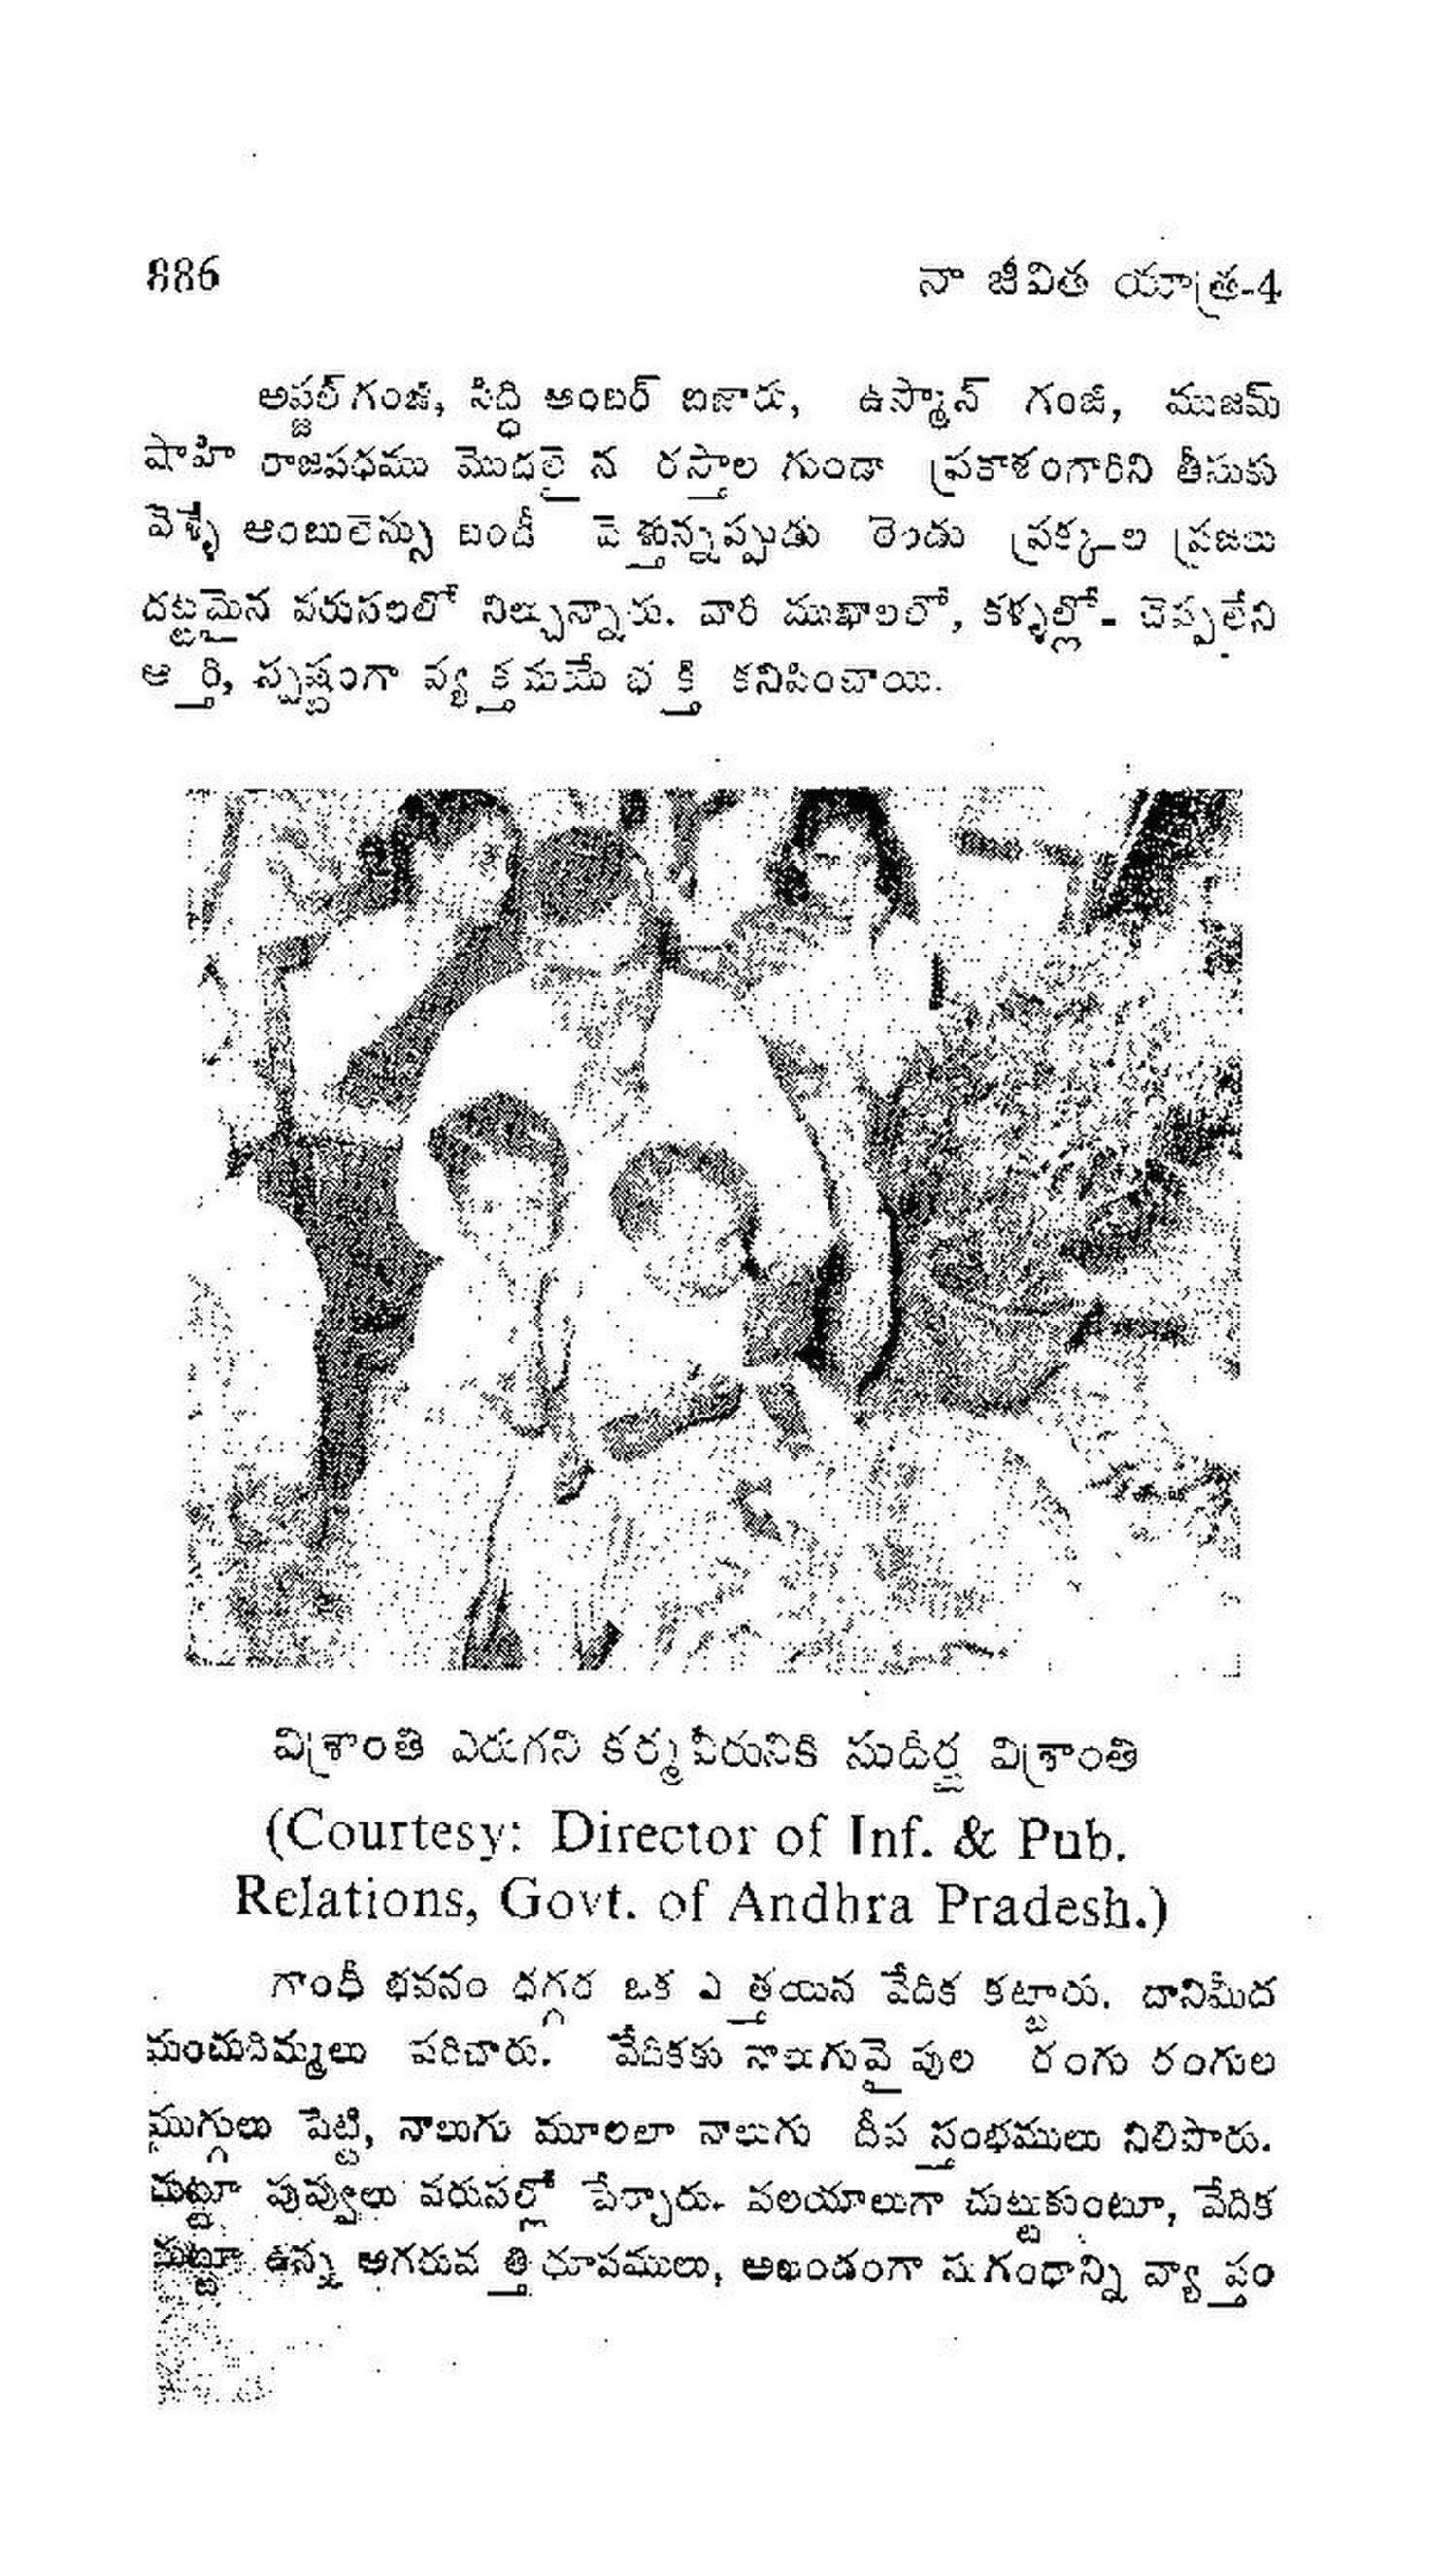అప్జల్‌గంజి, సిద్ధి అంబర్ బజారు, ఉస్మాన్ గంజి, ముజమ్‌షాహి రాజపధము మొదలైన రస్తాల గుండా ప్రకాశంగారిని తీసుకువెళ్ళే అంబులెన్సు బండీ వెళ్తున్నప్పుడు రెండు ప్రక్కల ప్రజలు దట్టమైన వరుసలలో నిల్చున్నారు. వారి ముఖాలలో, కళ్ళల్లో - చెప్పలేని ఆర్తి, స్పష్టంగా వ్యక్తమయే భక్తి కనిపించాయి.

గాంధీ భవనం దగ్గర ఒక ఎత్తయిన వేదిక కట్టారు. దానిమీద మంచుదిమ్మలు పరిచారు. వేదికకు నాలుగువైపుల రంగు రంగుల ముగ్గులు పెట్టి, నాలుగు మూలలా నాలుగు దీపస్తంభములు నిలిపారు. చుట్టూ పువ్వులు వరుసల్లో పేర్చారు. వలయాలుగా చుట్టుకుంటూ, వేదిక చుట్టూ ఉన్న అగరువత్తిధూపములు, అఖండంగా సుగంధాన్ని వ్యాప్తం